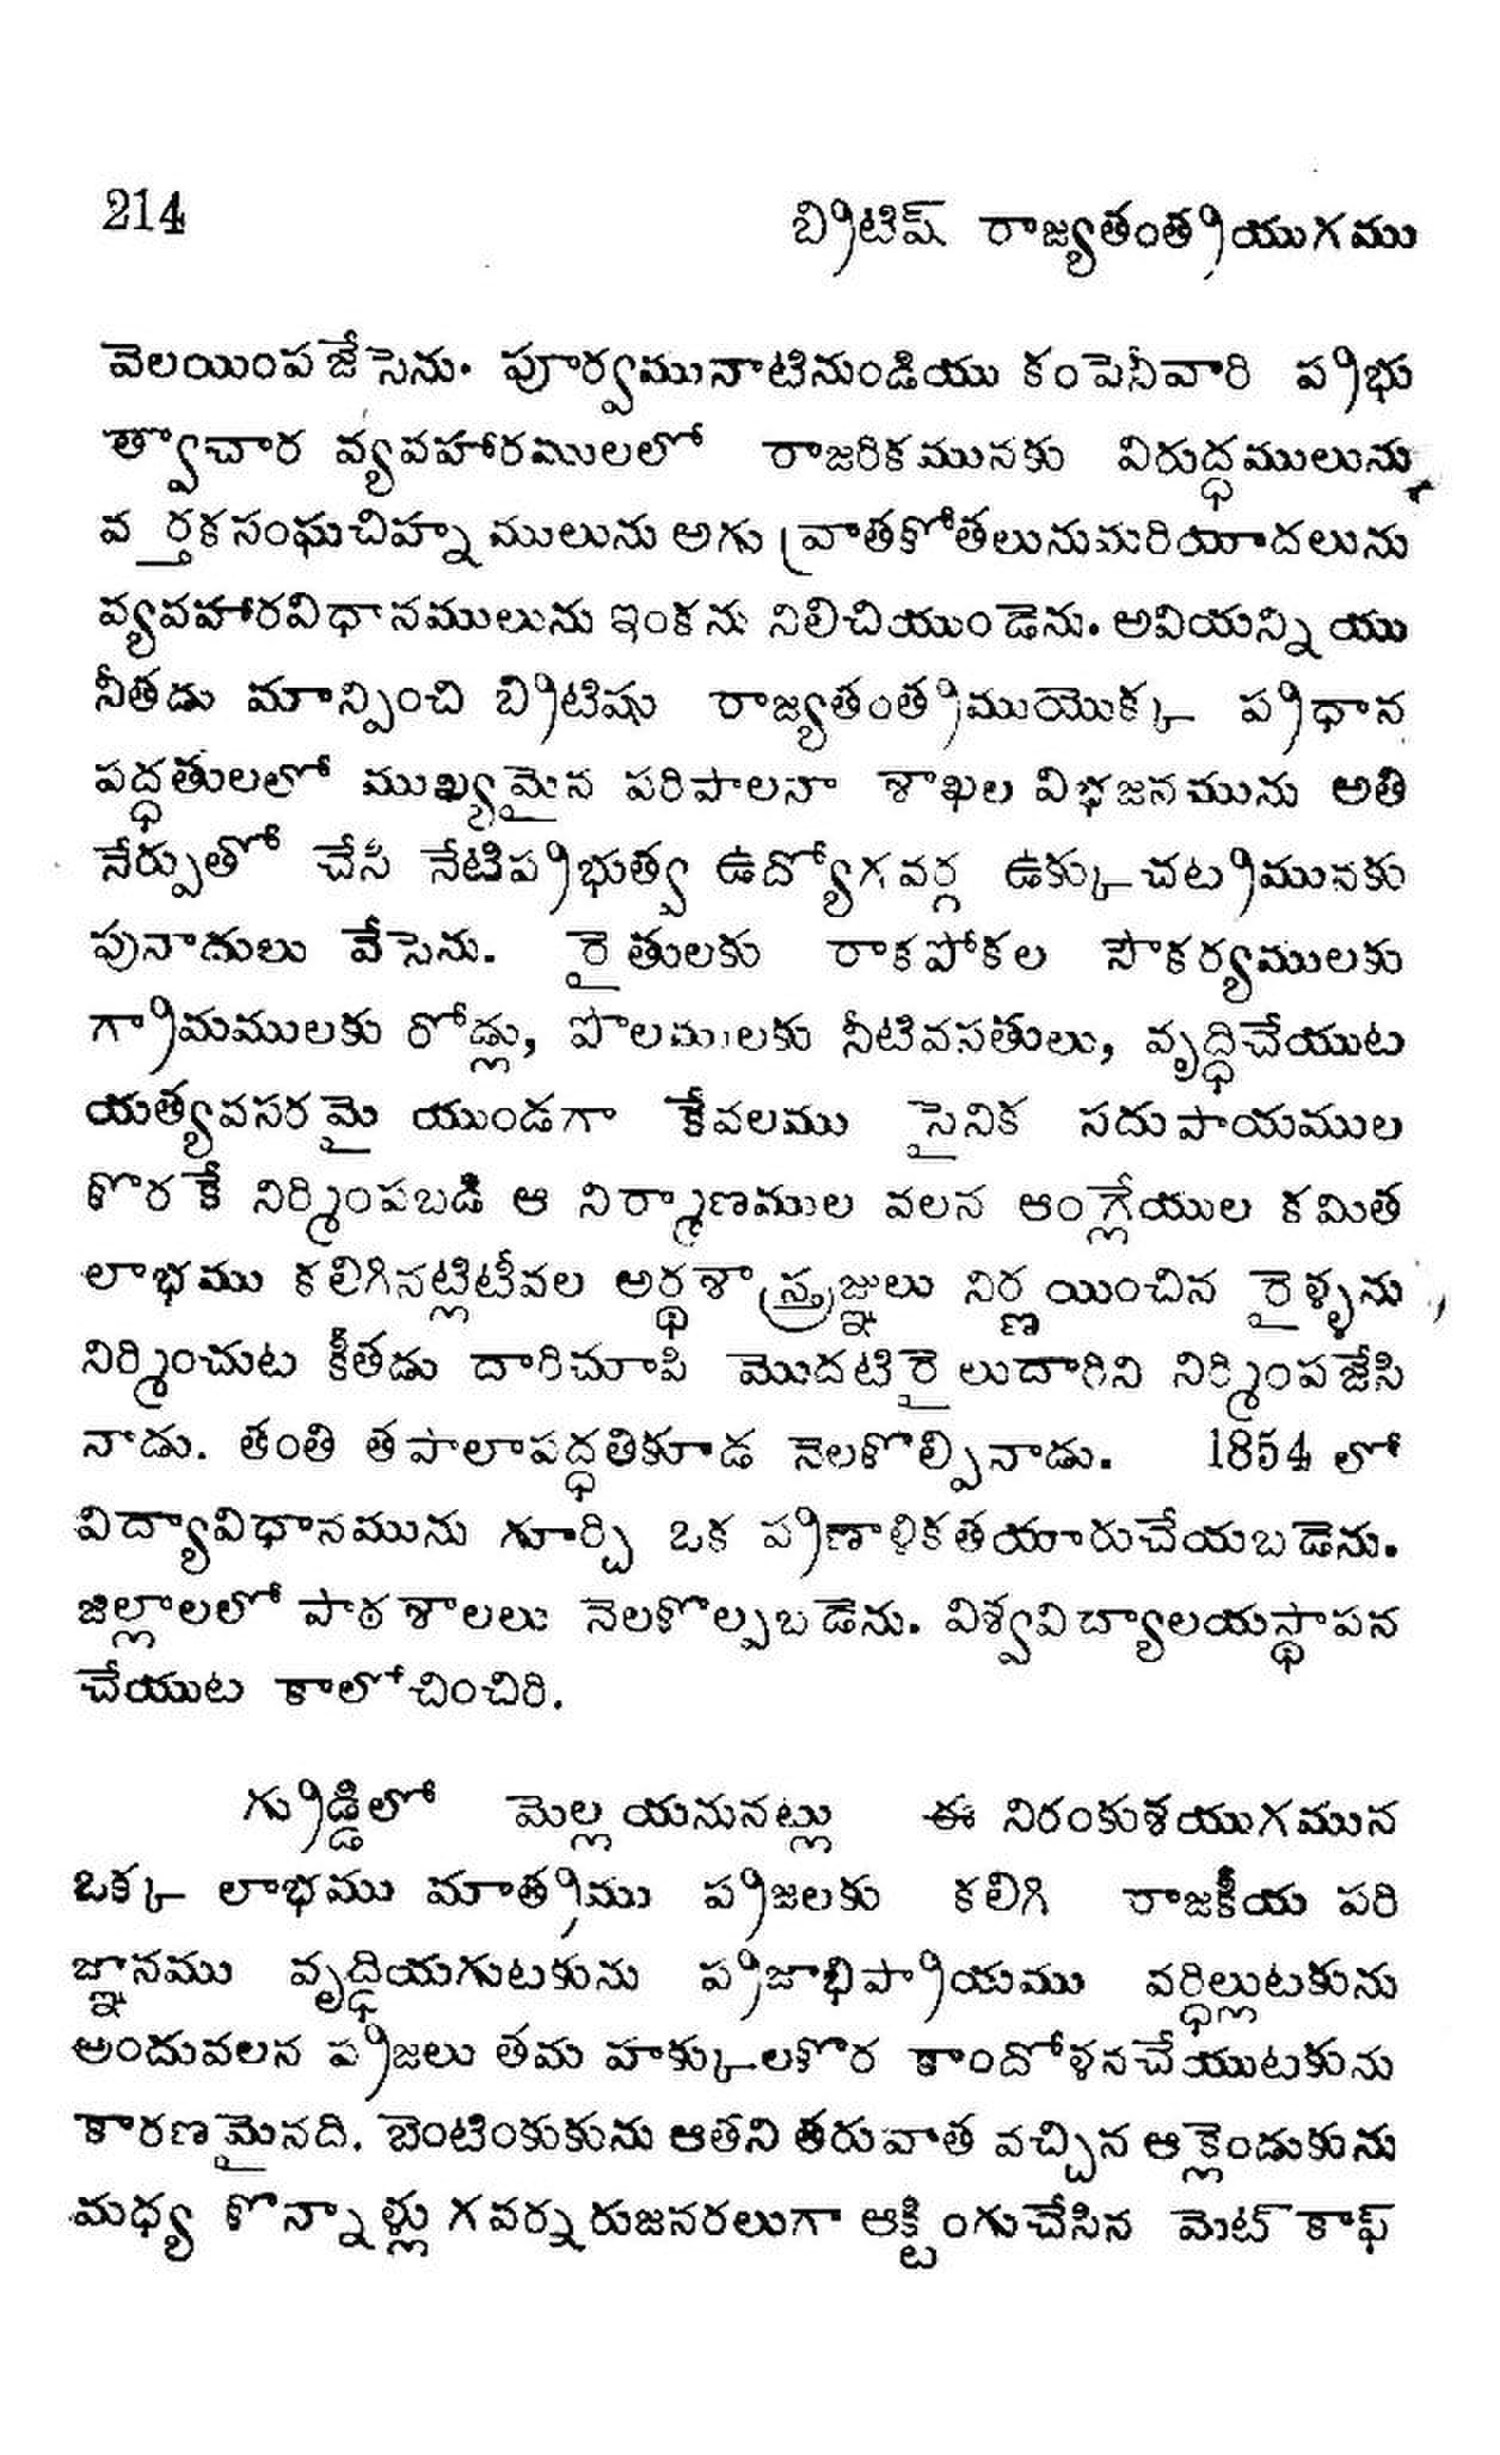వెలయింపజేసెను. పూర్వమునాటినుండియు కంపెనీవారి ప్రభుత్వాచార వ్యవహారములలో రాజరికమునకు విరుద్ధములును వర్తకసంఘచిహ్నములును అగు వ్రాతకోతలునుమరియాదలును వ్యవహారవిధానములును ఇంకను నిలిచియుండెను. అవియన్నియు నీతడు మాన్పించి బ్రిటిషు రాజ్యతంత్రముయొక్క ప్రధాన పద్ధతులలో ముఖ్యమైన పరిపాలనా శాఖల విభజనమును అతి నేర్పుతో చేసే నేటిప్రభుత్వ ఉద్యోగవర్గ ఉక్కు చట్రమునకు పునాదులు వేసెను. రైతులకు రాకపోకల సౌకర్యములకు గ్రామములకు రోడ్లు, పొలములకు నీటివసతులు, వృద్ధిచేయుట యత్యవసరమై యుండగా కేవలము సైనిక సదుపాయముల కొరకే నిర్మింపబడి ఆ నిర్మాణముల వలన ఆంగ్లేయుల కమిత లాభము కలిగినట్లీటీవల అర్థశాస్త్రజ్ఞులు నిర్ణయించిన రైళ్ళను , నిర్మించుట కీతడు దారిచూపి మొదటిరైలుదారిని నిర్మింపజేసినాడు. తంతి తపాలాపద్దతికూడ నెలకొల్పినాడు. 1854 లో విద్యావిధానమును గూర్చి ఒక ప్రణాళికతయారుచేయబడెను. జిల్లాలలో పాఠశాలలు నెలకొల్పబడెను. విశ్వవిద్యాలయస్థాపన చేయుట కాలోచించిరి.

గ్రుడ్డిలో మెల్లయనునట్లు ఈ నిరంకుశయుగమున ఒక్క లాభము మాత్రము ప్రజలకు కలిగి రాజకీయ పరిజ్ఞానము వృద్ధియగుటకును ప్రజాభిప్రాయము వర్ధిల్లుటకును అందువలన ప్రజలు తమ హక్కులకొర కాందోళనచేయుటకును కారణమైనది. బెంటింకుకును ఆతని తరువాత వచ్చిన ఆక్లెండుకును మధ్య కొన్నాళ్లు గవర్నరుజనరలుగా ఆక్టింగుచేసిన మెట్‌కాఫ్